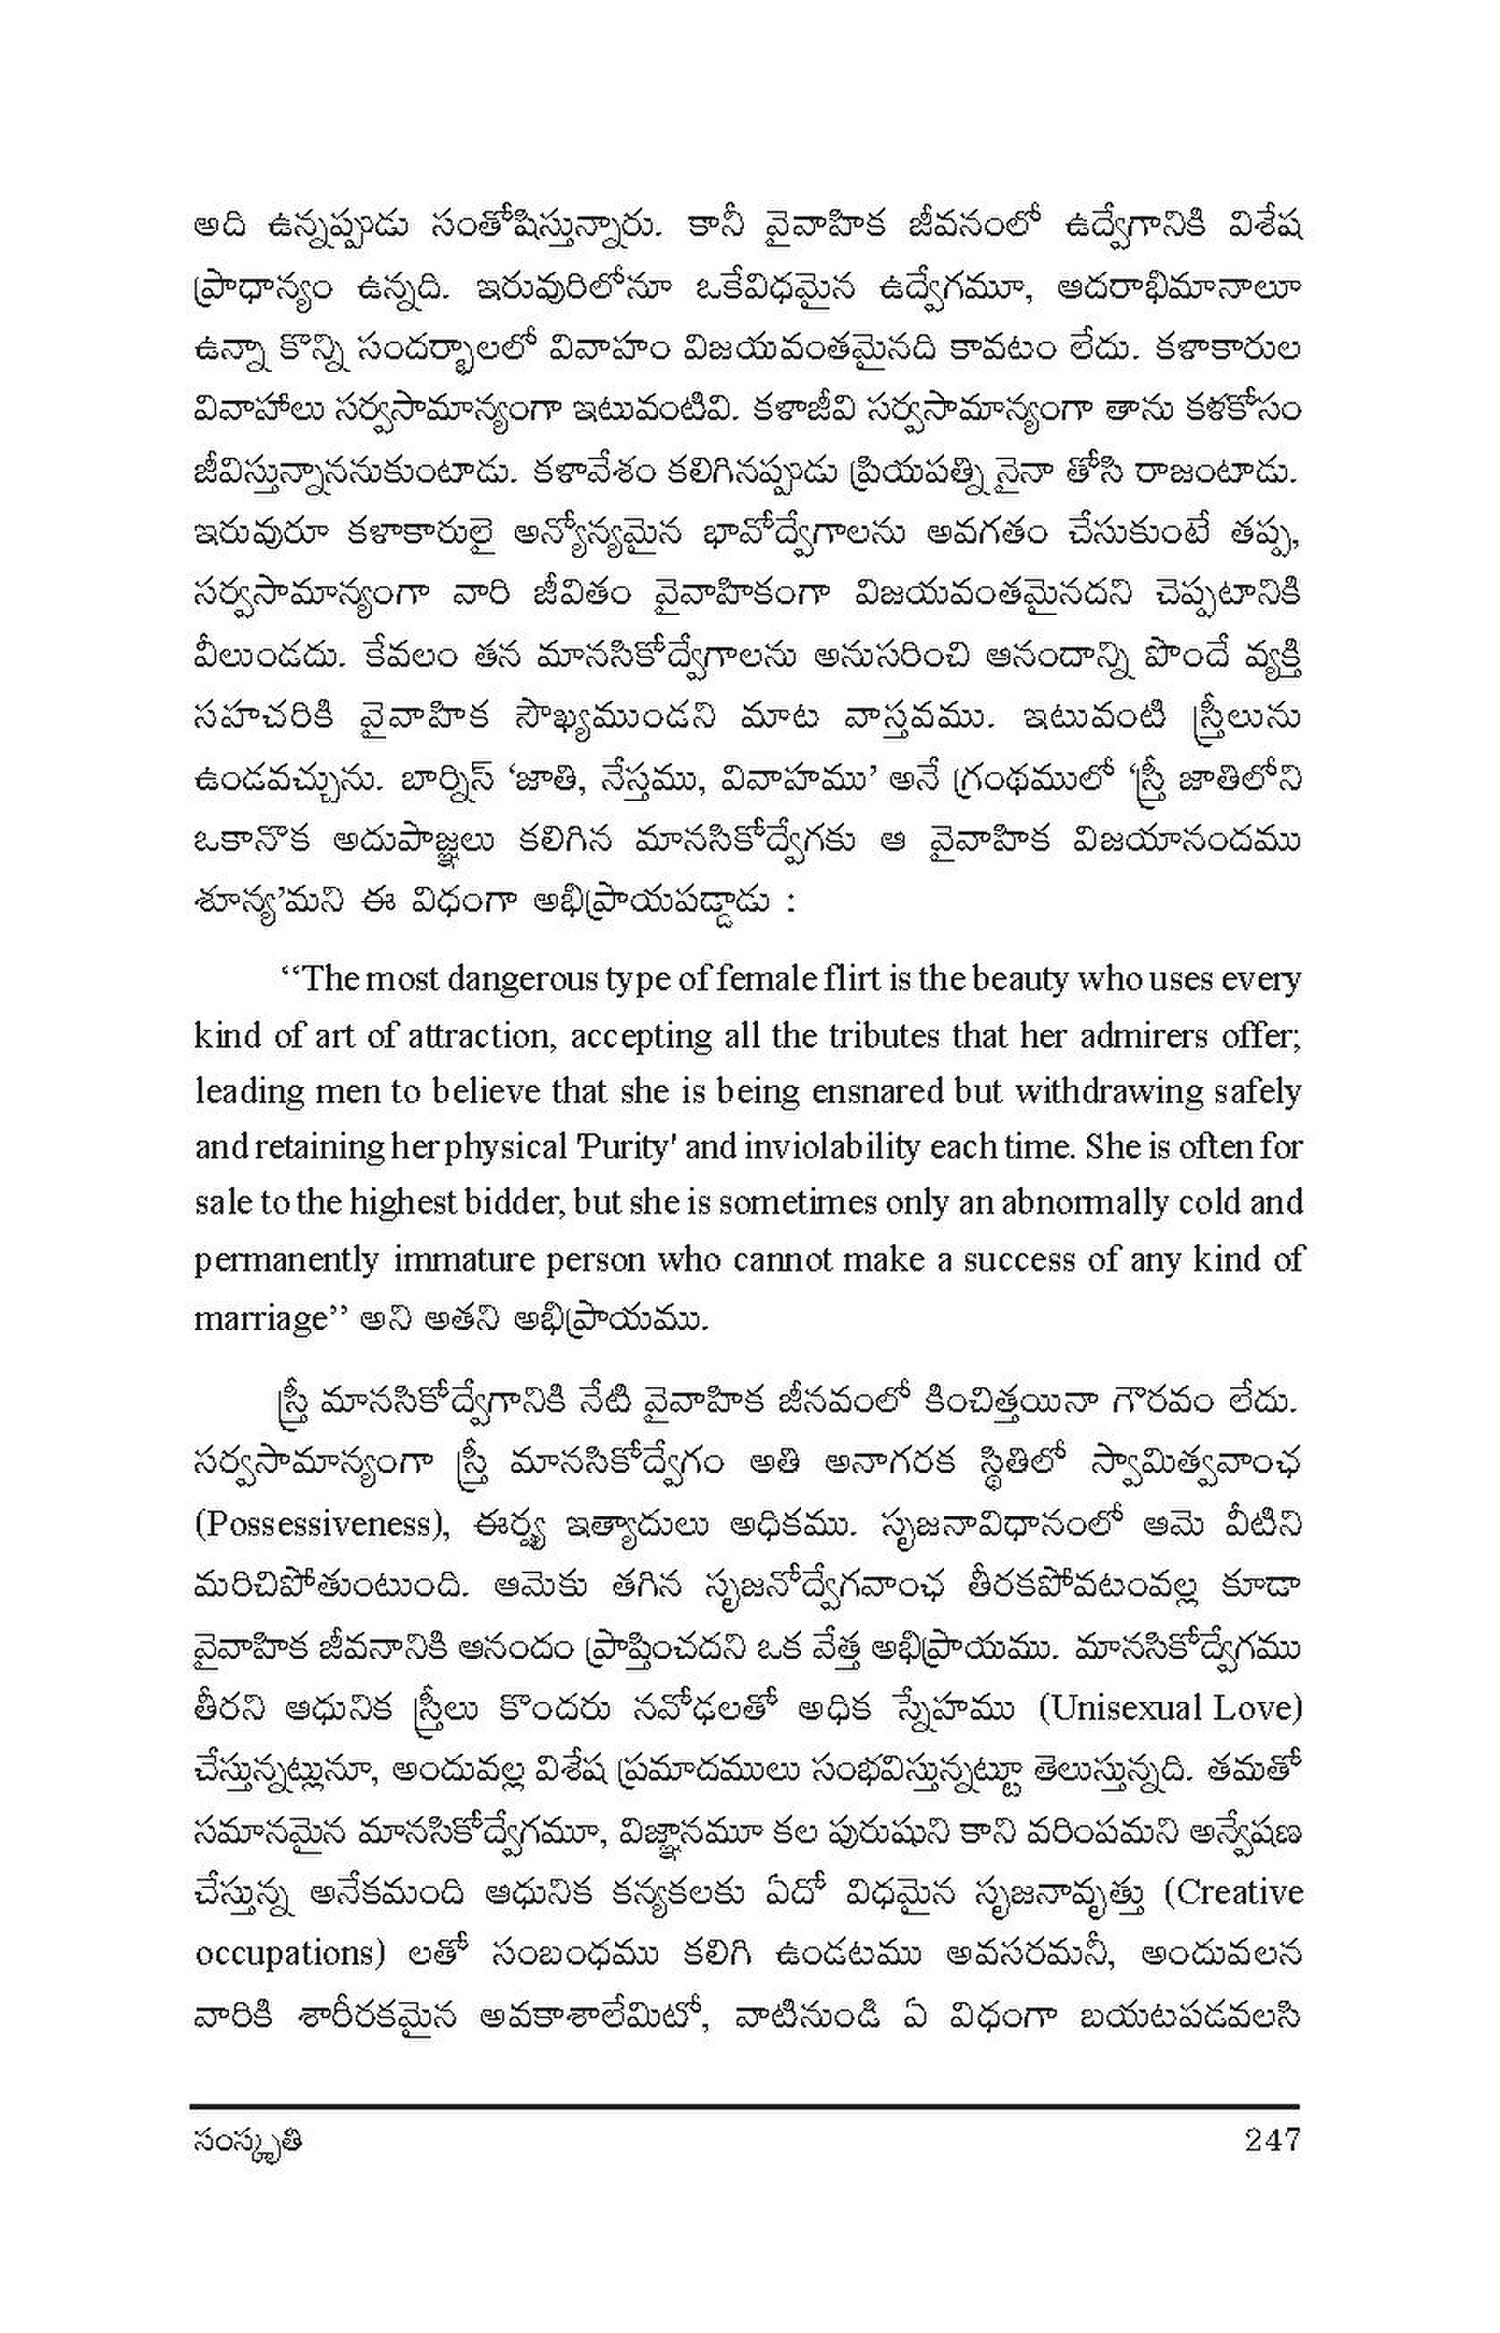అది ఉన్నప్పుడు సంతోషిస్తున్నారు. కానీ వైవాహిక జీవనంలో ఉద్వేగానికి విశేష
ప్రాధాన్యం ఉన్నది. ఇరువురిలోనూ ఒకేవిధమైన ఉద్వేగమూ, ఆదరాభిమానాలూ
ఉన్నా కొన్ని సందర్భాలలో వివాహం విజయవంతమైనది కావటం లేదు. కళాకారుల
వివాహాలు సర్వసామాన్యంగా ఇటువంటివి. కళాజీవి సర్వసామాన్యంగా తాను కళకోసం
జీవిస్తున్నాననుకుంటాడు. కళావేశం కలిగినప్పుడు ప్రియపత్ని నైనా తోసి రాజంటాడు.
ఇరువురూ కళాకారులై అన్యోన్యమైన భావోద్వేగాలను అవగతం చేసుకుంటే తప్ప,
సర్వసామాన్యంగా వారి జీవితం వైవాహికంగా విజయవంతమైనదని చెప్పటానికి
వీలుండదు. కేవలం తన మానసికోద్వేగాలను అనుసరించి ఆనందాన్ని పొందే వ్యక్తి
సహచరికి వైవాహిక సౌఖ్యముండని మాట వాస్తవము. ఇటువంటి స్త్రీలును
ఉండవచ్చును. బార్నిస్ 'జాతి, నేస్తము, వివాహము' అనే గ్రంథములో 'స్త్రీ జాతిలోని
ఒకానొక అదుపాజ్ఞలు కలిగిన మానసికోద్వేగకు ఆ వైవాహిక విజయానందము
శూన్య’మని ఈ విధంగా అభిప్రాయపడ్డాడు :

“The most dangerous type of female flirt is the beauty who uses every
kind of art of attraction, accepting all the tributes that her admirers offer;
leading men to believe that she is being ensnared but withdrawing safely
and retaining her physical Purity' and inviolability each time. She is often for
sale to the highest bidder, but she is sometimes only an abnormally cold and
permanently immature person who cannot make a success of any kind of
marriage” అని అతని అభిప్రాయము.

స్త్రీ మానసికోద్వేగానికి నేటి వైవాహిక జీనవంలో కించిత్తయినా గౌరవం లేదు.
సర్వసామాన్యంగా స్త్రీ మానసికోద్వేగం అతి అనాగరక స్థితిలో స్వామిత్వవాంఛ
(Possessiveness), ఈర్ష్య ఇత్యాదులు అధికము. సృజనావిధానంలో ఆమె వీటిని
మరిచిపోతుంటుంది. ఆమెకు తగిన సృజనోద్వేగవాంఛ తీరకపోవటంవల్ల కూడా
వైవాహిక జీవనానికి ఆనందం ప్రాప్తించదని ఒక వేత్త అభిప్రాయము. మానసికోద్వేగము
తీరని ఆధునిక స్త్రీలు కొందరు నవోఢలతో అధిక స్నేహము (Unisexual Love)
చేస్తున్నట్లునూ, అందువల్ల విశేష ప్రమాదములు సంభవిస్తున్నట్టు తెలుస్తున్నది. తమతో
సమానమైన మానసికోద్వేగమూ, విజ్ఞానమూ కల పురుషుని కాని వరింపమని అన్వేషణ
చేస్తున్న అనేకమంది ఆధునిక కన్యకలకు ఏదో విధమైన సృజనావృత్తు (Creative
occupations) లతో సంబంధము కలిగి ఉండటము అవసరమనీ, అందువలన
వారికి శారీరకమైన అవకాశాలేమిటో, వాటినుండి ఏ విధంగా బయటపడవలసి